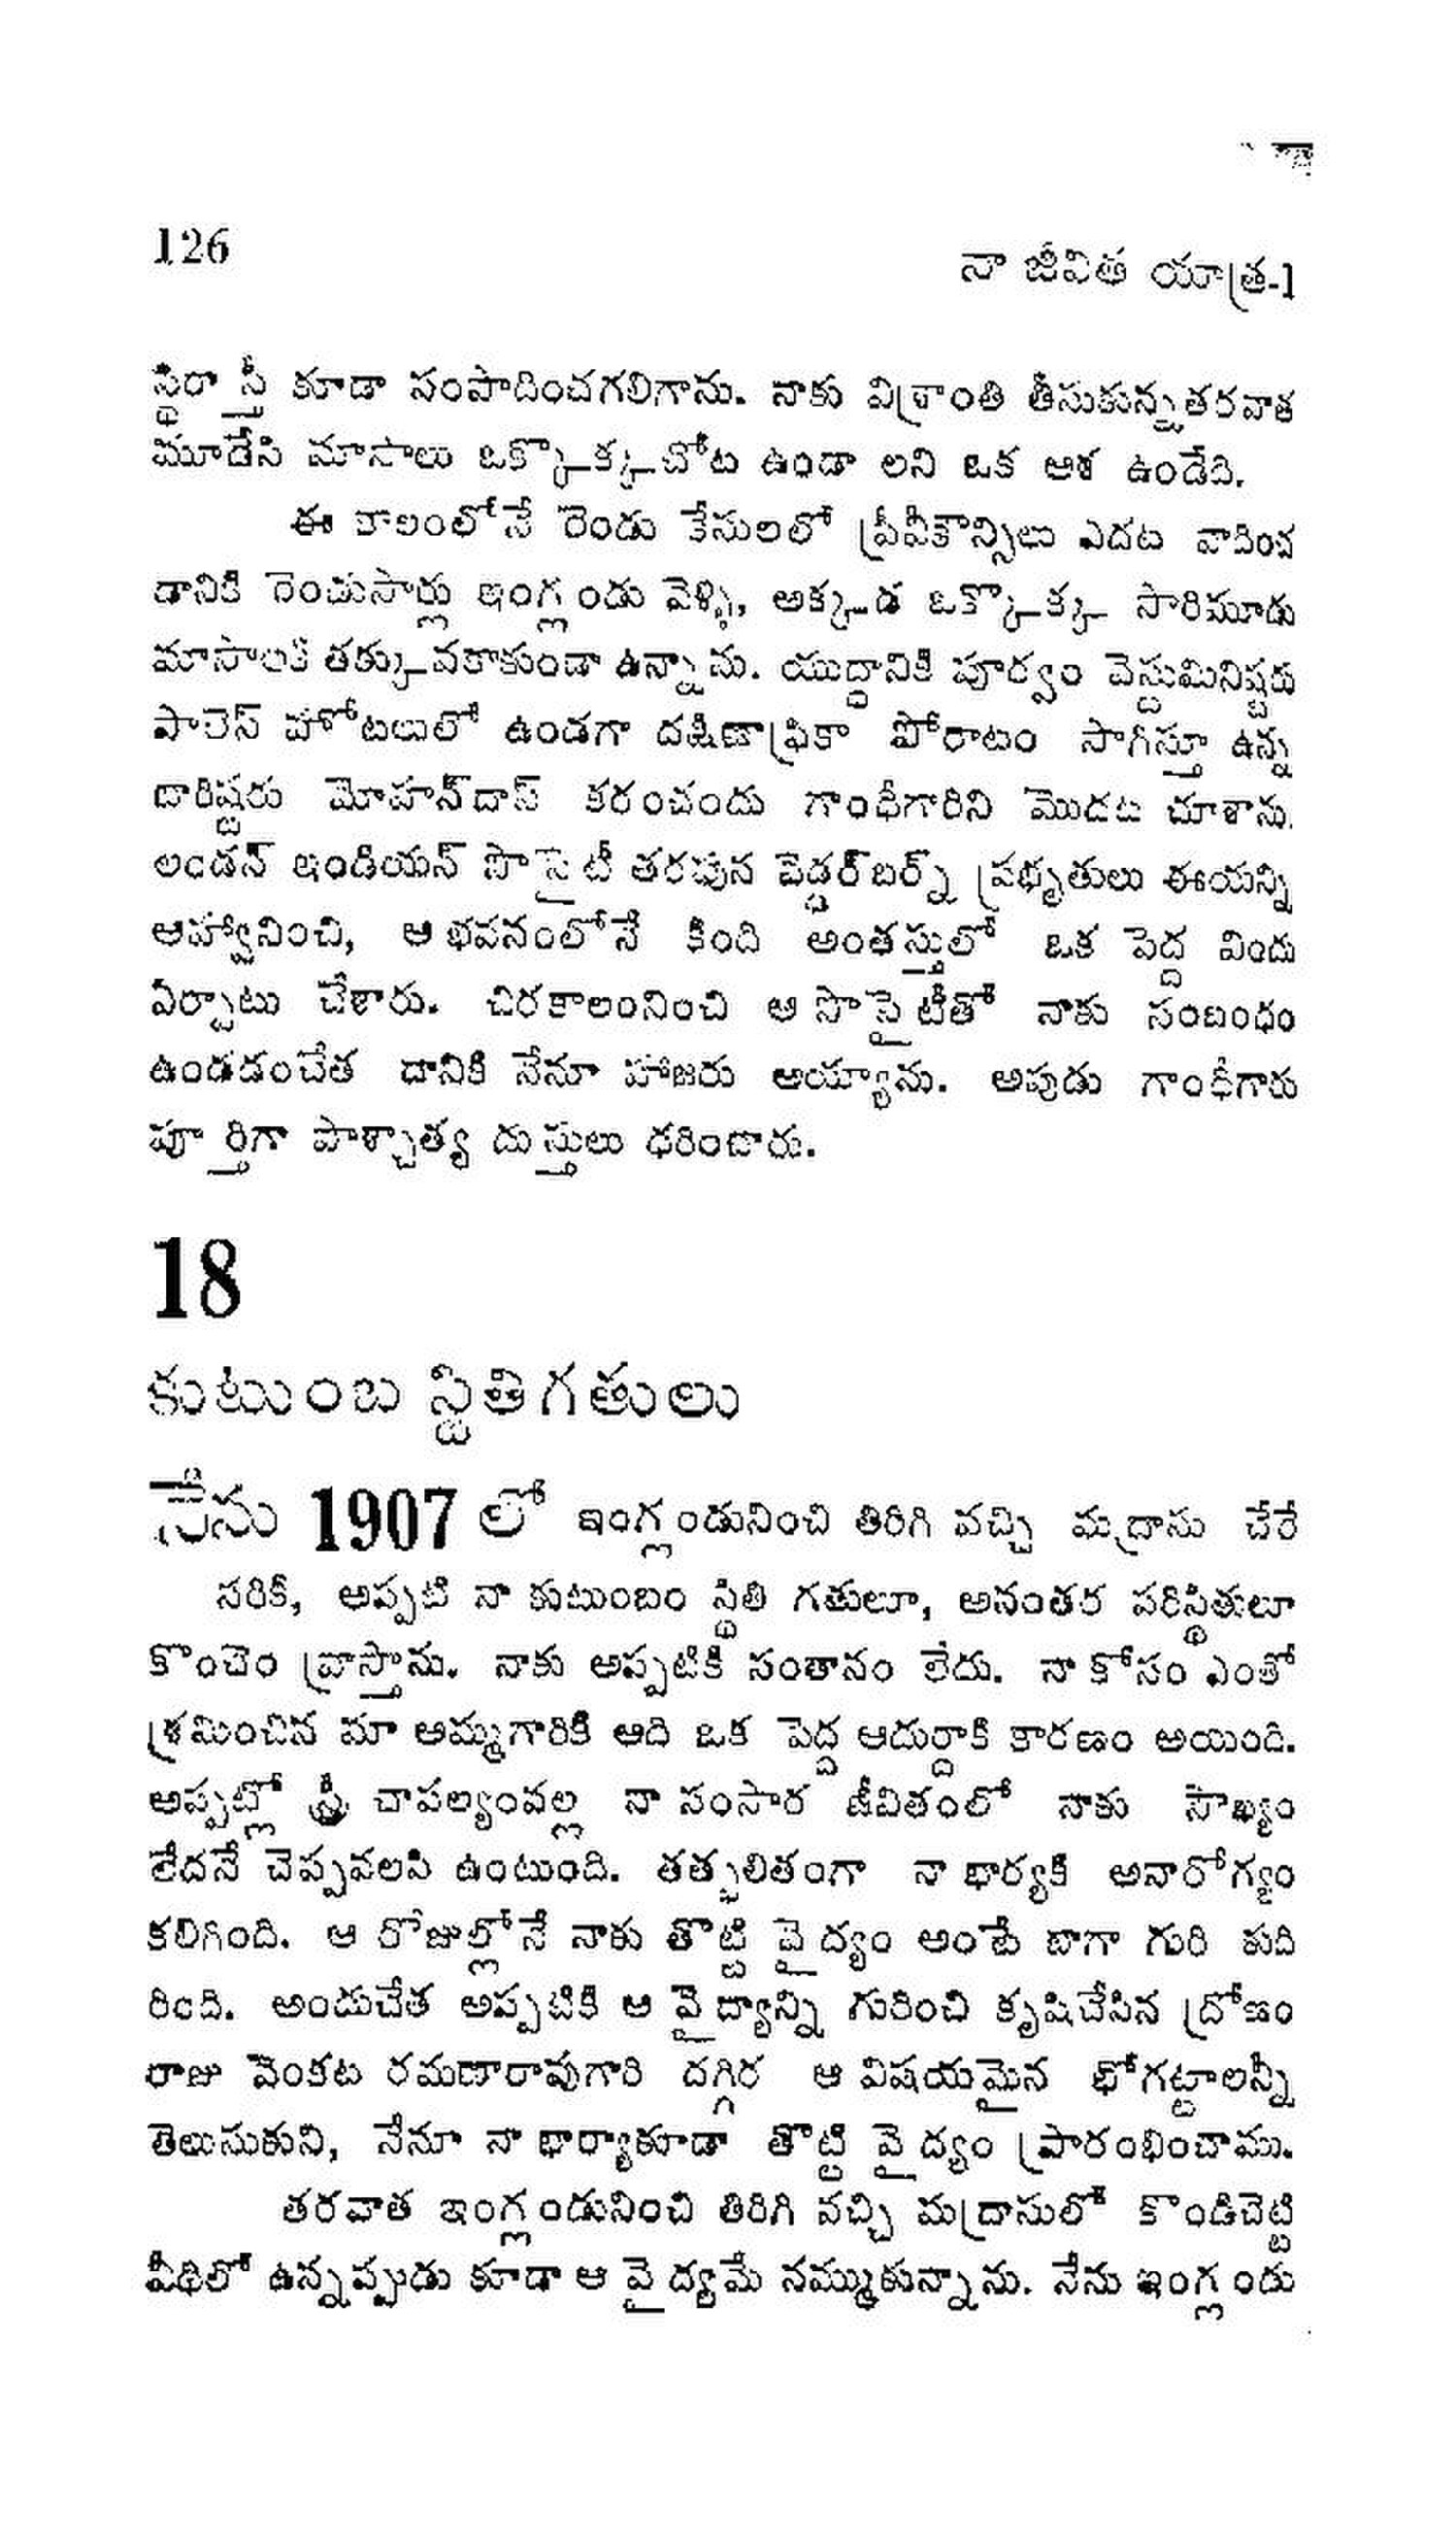స్థిరాస్తీ కూడా సంపాదించగలిగాను. నాకు విశ్రాంతి తీసుకున్న తరవాత మూడేసి మాసాలు ఒక్కొక్కచోట ఉండాలని ఒక ఆశ ఉండేది. 

ఈ కాలంలోనే రెండు కేసులలో ప్రీవీకౌన్సిలు ఎదట వాదించడానికి రెండుసార్లు ఇంగ్లండు వెళ్ళి, అక్కడ ఒక్కొక్క సారి మూడుమాసాలకి తక్కువకాకుండా ఉన్నాను. యుద్దానికి పూర్వం వెస్టుమినిష్టరు పాలెస్ హోటలులో ఉండగా దక్షిణాఫ్రికా పోరాటం సాగిస్తూ ఉన్న బారిష్టరు మోహన్‌దాస్ కరంచందు గాంధీగారిని మొదట చూశాను. లండన్ ఇండియన్ సొసైటీ తరపున వెడ్డర్‌బర్న్ ప్రభృతులు ఈయన్ని ఆహ్వానించి, ఆ భవనంలోనే కింది అంతస్తులో ఒక పెద్ద విందు ఏర్పాటు చేశారు. చిరకాలంనించి ఆ సొసైటీతో నాకు సంబంధం ఉండడంచేత దానికి నేనూ హాజరు అయ్యాను. అపుడు గాంధీగారు పూర్తిగా పాశ్చాత్య దుస్తులు ధరించారు.

నేను 1907 లో ఇంగ్లండునించి తిరిగి వచ్చి మద్రాసు చేరే సరికి, అప్పటి నా కుటుంబం స్థితి గతులూ, అనంతర పరిస్థితులూ కొంచెం వ్రాస్తాను. నాకు అప్పటికి సంతానం లేదు. నా కోసం ఎంతో శ్రమించిన మా అమ్మగారికి అది ఒక పెద్ద ఆదుర్దాకి కారణం అయింది. అప్పట్లో స్త్రీ చాపల్యంవల్ల నా సంసార జీవితంలో నాకు సౌఖ్యం లేదనే చెప్పవలసి ఉంటుంది. తత్పలితంగా నా భార్యకి అనారోగ్యం కలిగింది. ఆ రోజుల్లోనే నాకు తొట్టి వైద్యం అంటే బాగా గురి కుదిరింది. అందుచేత అప్పటికి ఆ వైద్యాన్ని గురించి కృషిచేసిన ద్రోణంరాజు వెంకట రమణారావుగారి దగ్గిర ఆ విషయమైన భోగట్టాలన్నీ తెలుసుకుని, నేనూ నా భార్యకూడా తొట్టి వైద్యం ప్రారంభించాము.

తరవాత ఇంగ్లండునించి తిరిగి వచ్చి మద్రాసులో కొండిచెట్టి వీథిలో ఉన్నప్పుడు కూడా ఆ వైద్యమే నమ్ముకున్నాను. నేను ఇంగ్లండు